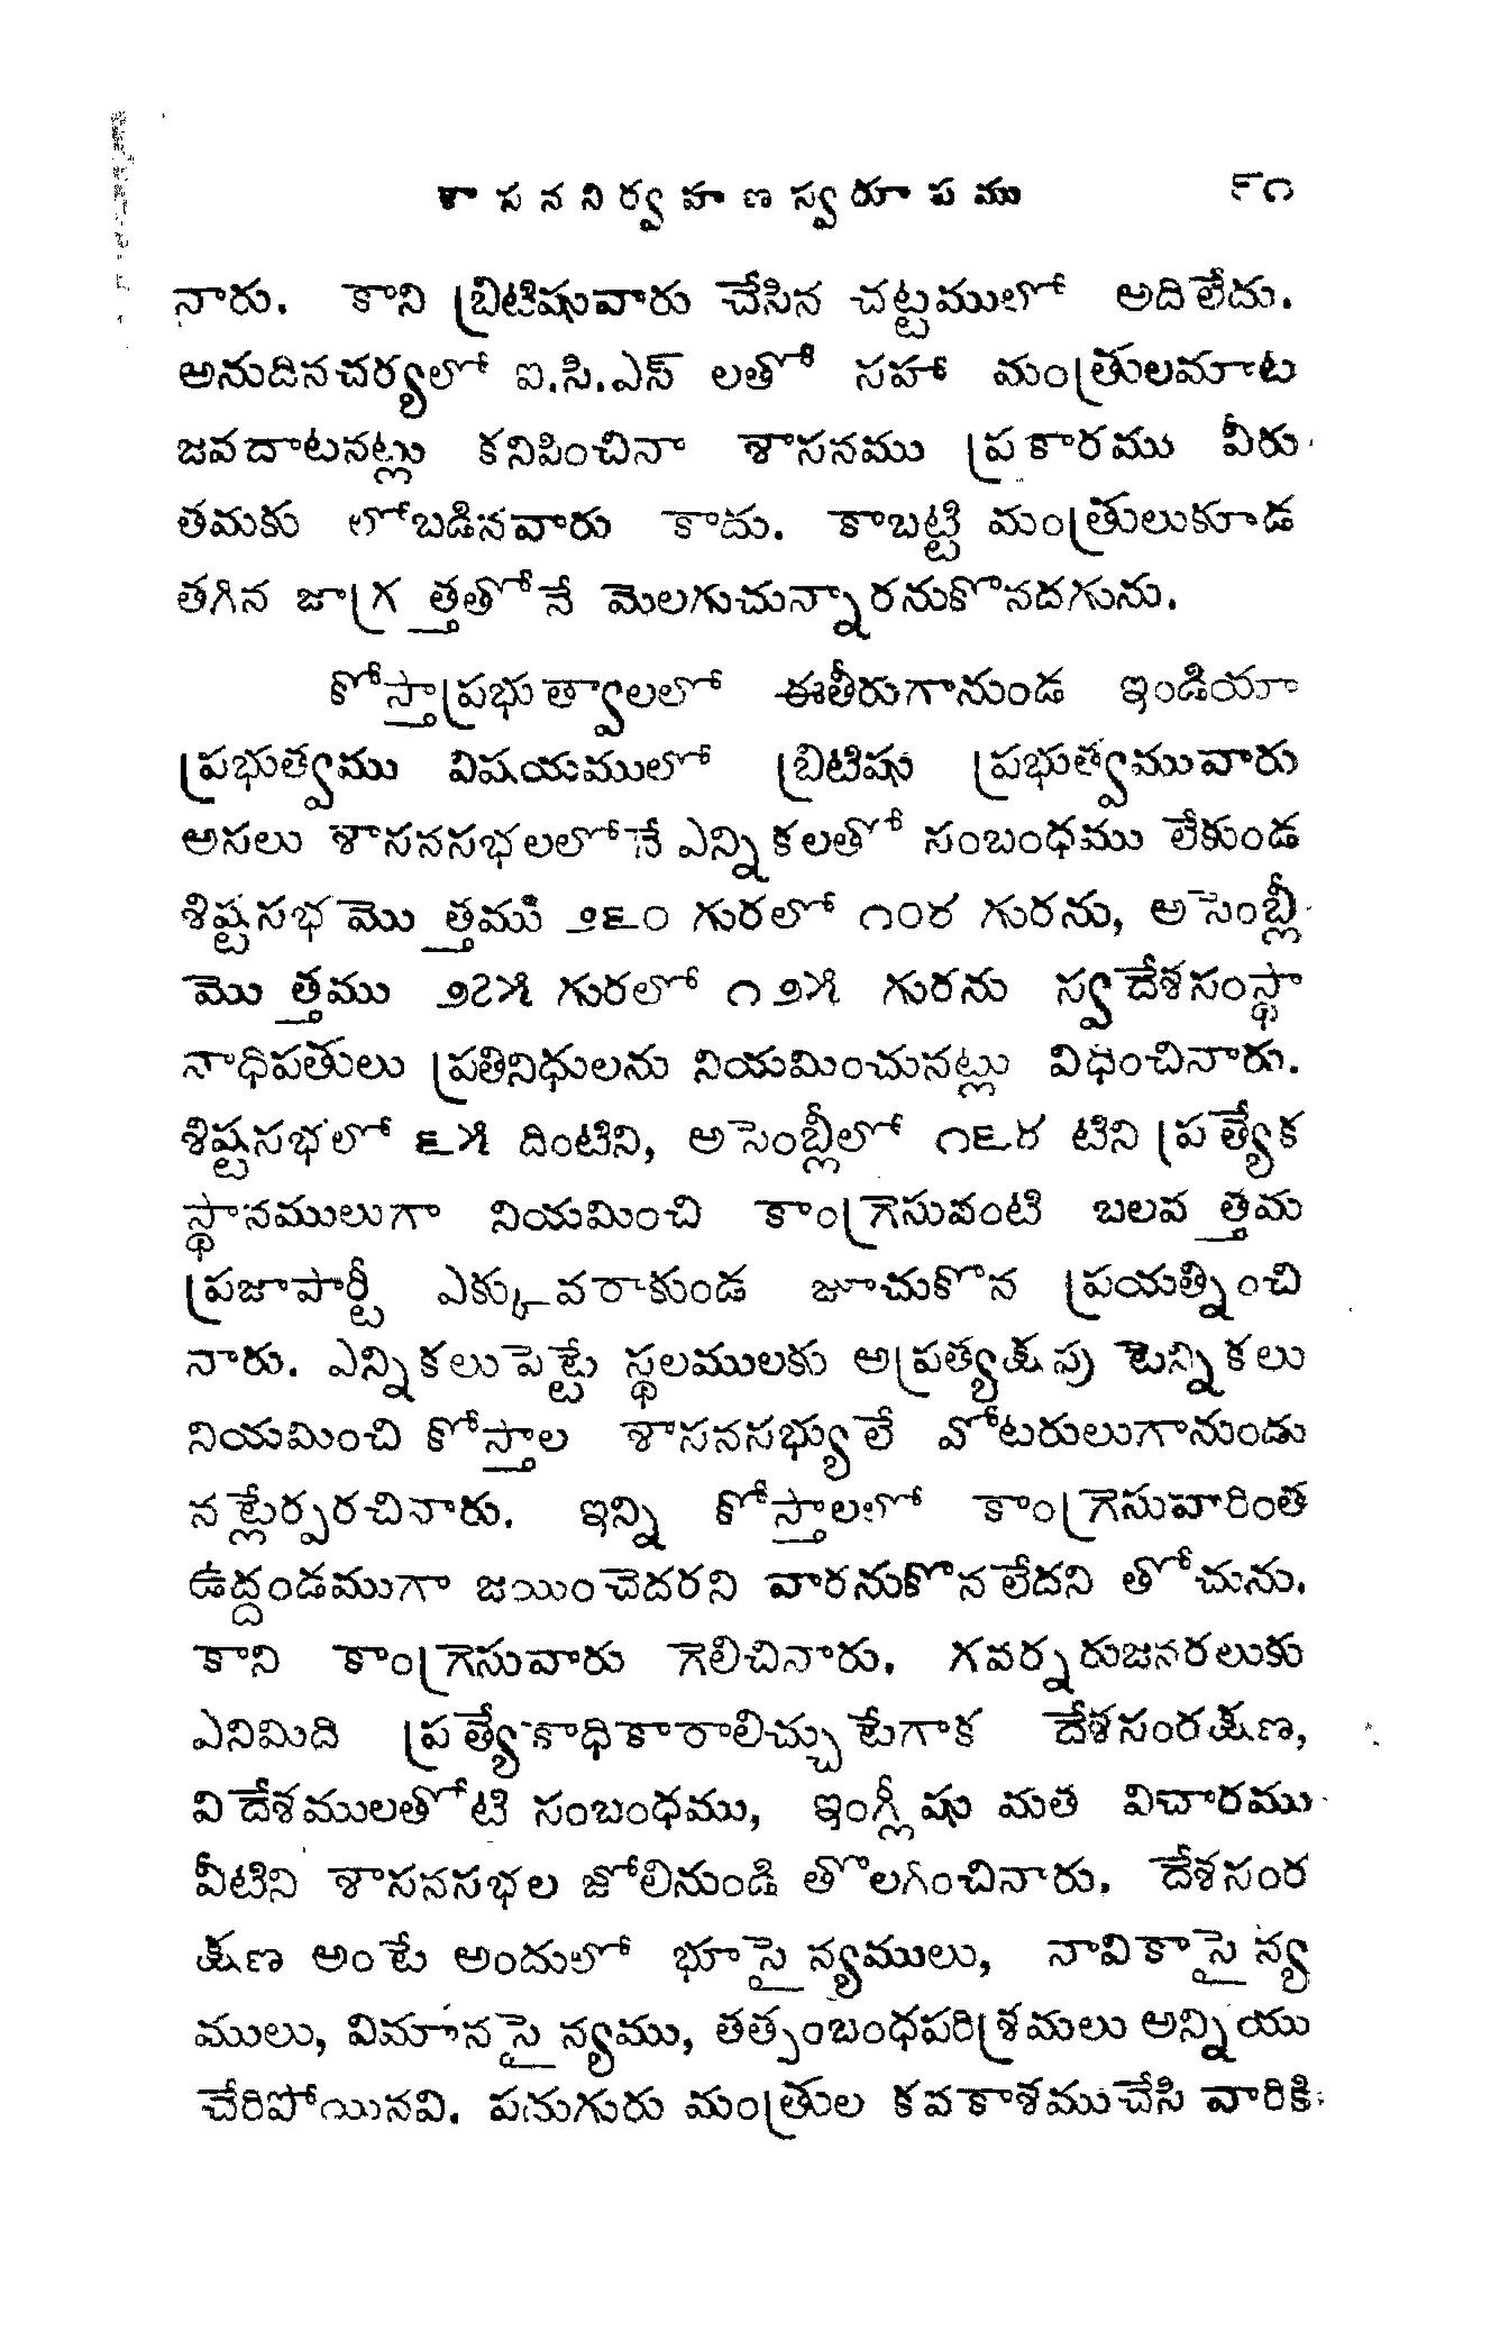నారు. కాని బ్రిటిషువారు చేసిన చట్టములో అదిలేదు. అనుదినచర్యలో ఐ.సి.ఎస్ లతో సహా మంత్రులమాట జవదాటనట్లు కనిపించినా శాసనము ప్రకారము వీరు తమకు లోబడినవారు కాదు. కాబట్టి మంత్రులుకూడ తగిన జాగ్రత్తతోనే మెలగుచున్నారనుకొనదగును.

కోస్తాప్రభుత్వాలలో ఈతీరుగానుండ ఇండియా ప్రభుత్వము విషయములో బ్రిటిషు ప్రభుత్వమువారు
అసలు శాసనసభలలోనే ఎన్నికలతో సంబంధము లేకుండ శిష్టసభ మొత్తము 260 గురలో 104 గురను, అసెంబ్లీ మొత్తము 275 గురలో 125 గురను స్వదేశసంస్థానాధిపతులు ప్రతినిధులను నియమించునట్లు విధించినారు. శిష్టసభలో 65 దింటిని, అసెంబ్లీలో 164 టిని ప్రత్యేక స్థానములుగా నియమించి కాంగ్రెసువంటి బలవత్తమ ప్రజాపార్టీ ఎక్కువరాకుండ జూచుకొన ప్రయత్నించినారు. ఎన్నికలుపెట్టే స్థలములకు అప్రత్యక్షపు టెన్నికలు నియమించి కోస్తాల శాసనసభ్యులే వోటరులుగానుండు నట్లేర్పరచినారు. ఇన్ని కోస్తాలలో కాంగ్రెసువారింత ఉద్దండముగా జయించెదరని వారనుకొనలేదని తోచును. కాని కాంగ్రెసువారు గెలిచినారు. గవర్నరుజనరలుకు ఎనిమిది ప్రత్యేకాధికారాలిచ్చుటేగాక దేశసంరక్షణ, విదేశములతోటి సంబంధము, ఇంగ్లీషు మత విచారము 
వీటిని శాసనసభల జోలినుండి తొలగించినారు. దేశసంరక్షణ అంటే అందులో భూసైన్యములు, నావికాసైన్యములు, విమానసైన్యము, తత్సంబంధపరిశ్రమలు అన్నియు చేరిపోయినవి. పదుగురు మంత్రుల కవకాశముచేసి వారికి